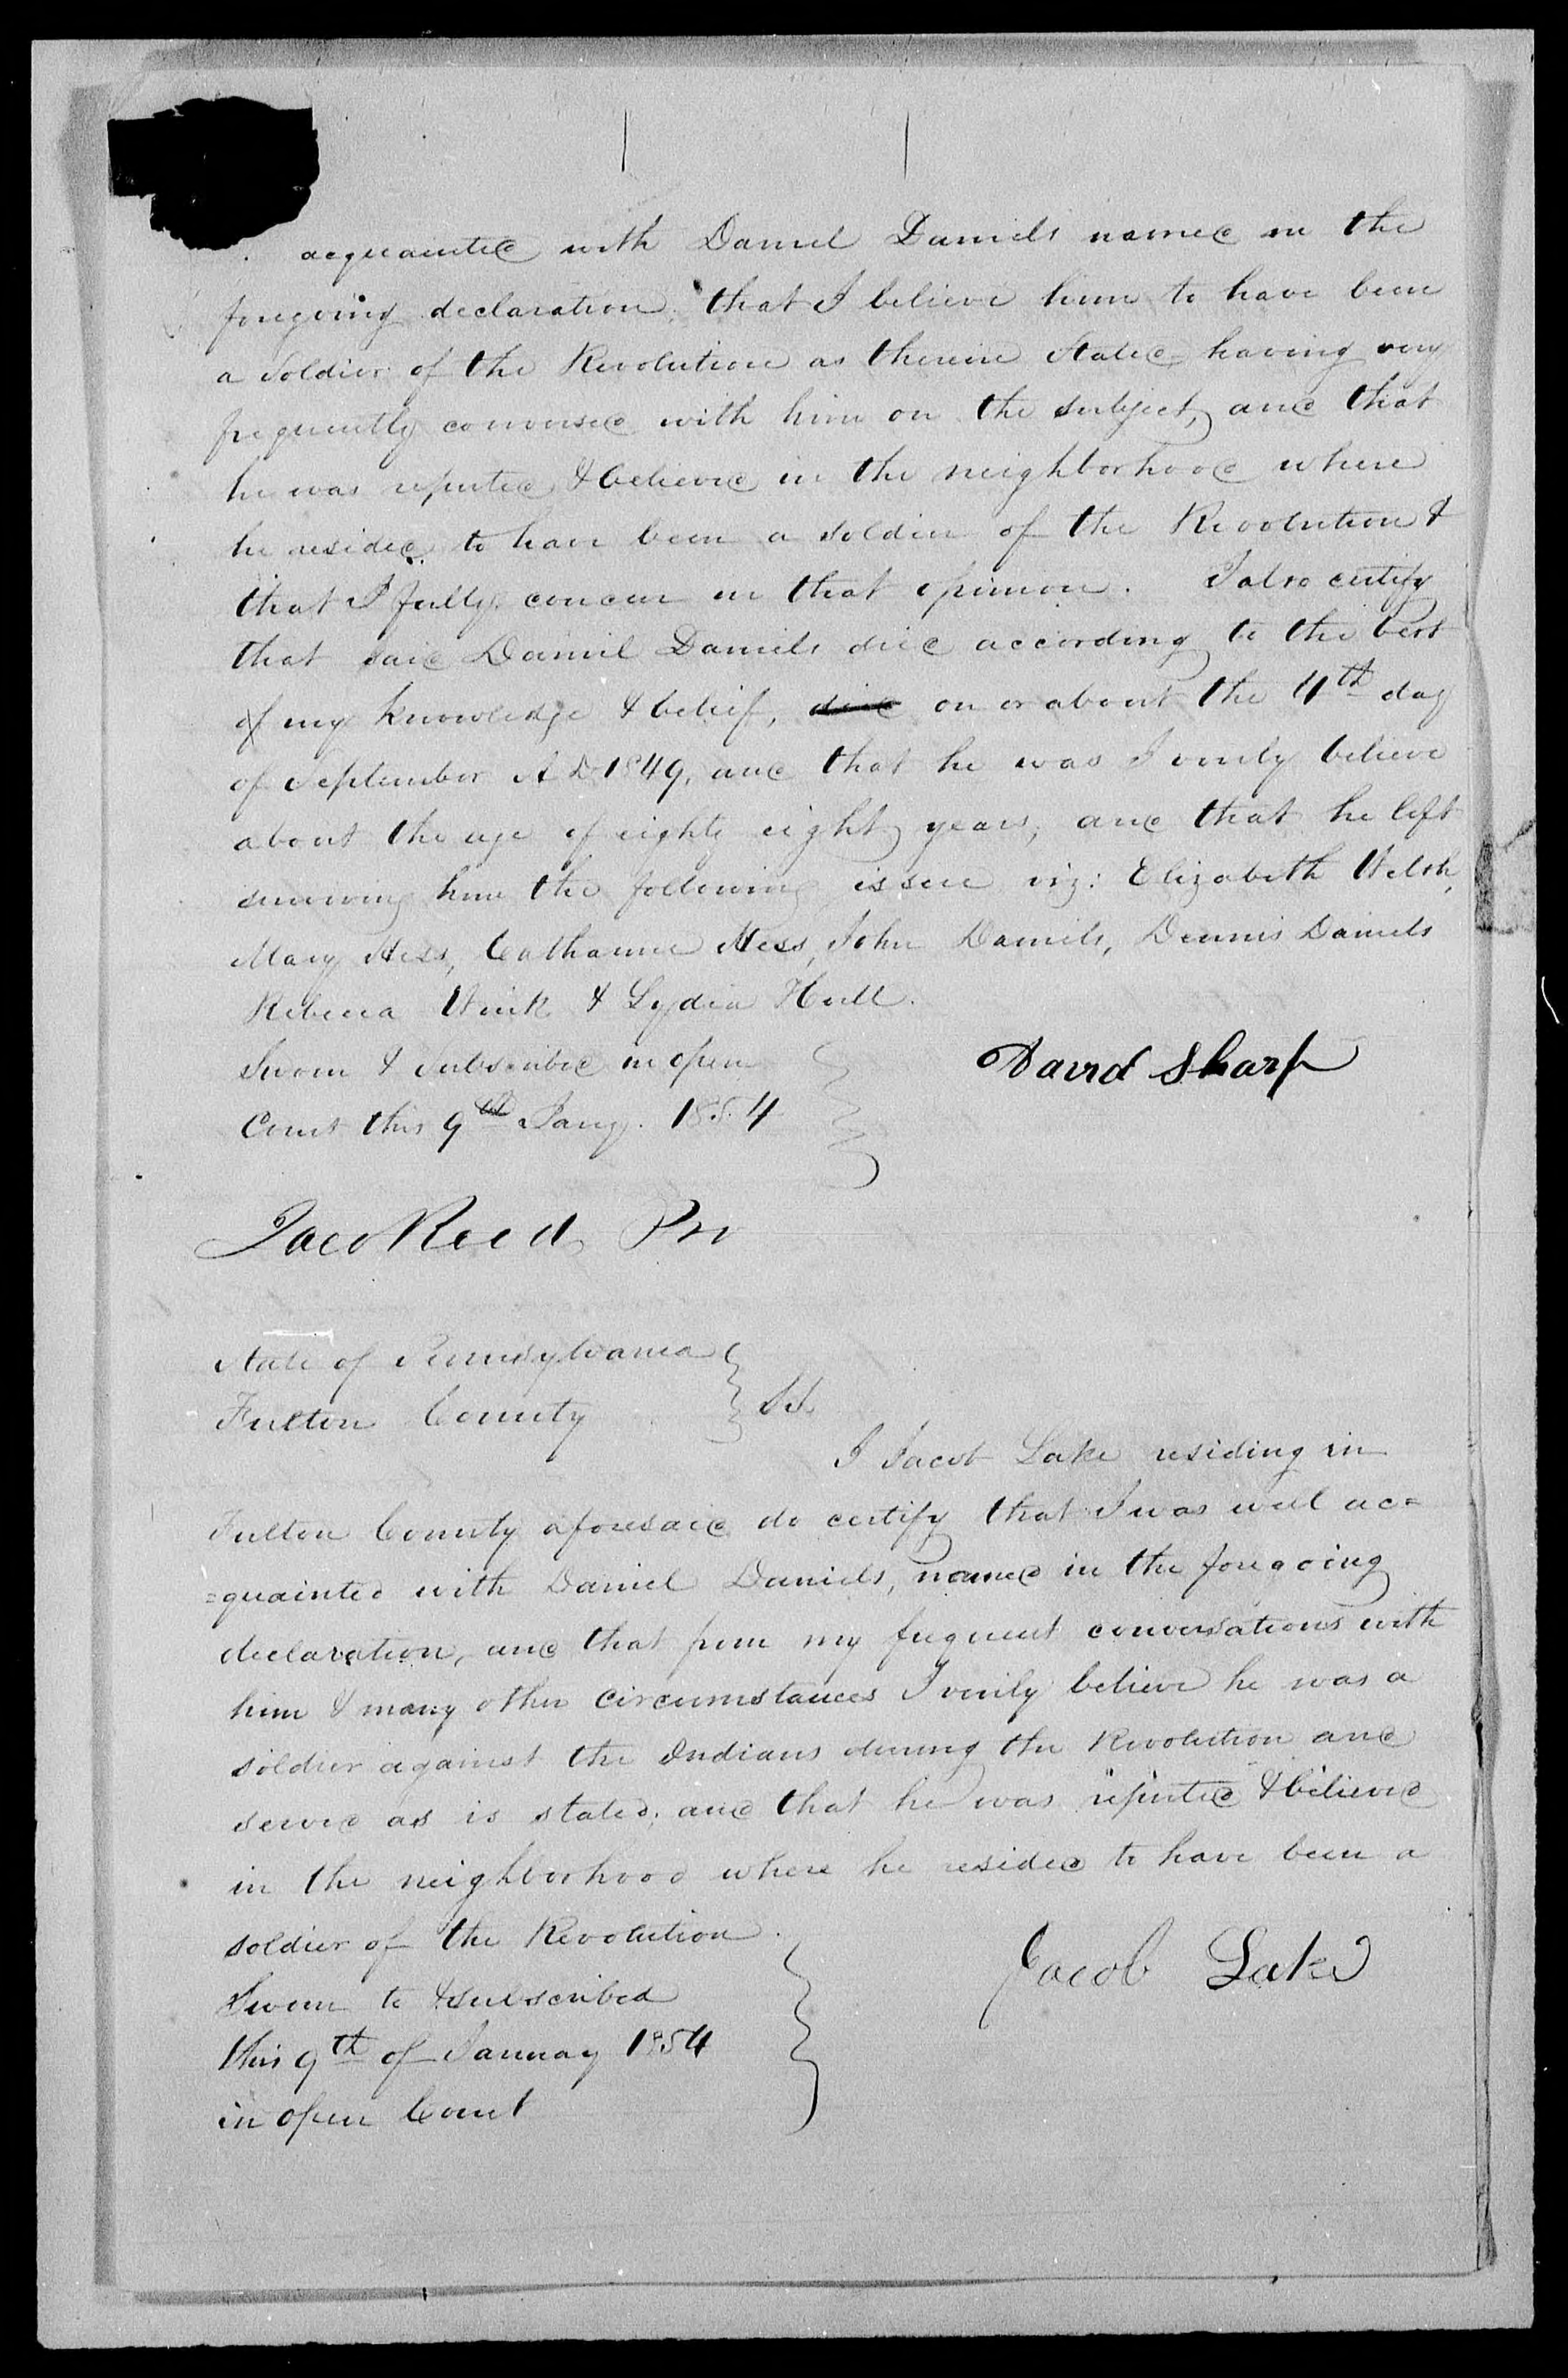acquainted with Daniel Daniels named in the
foregoing declaration that I believe him to have been
a soldier of the Revolution as therein stated having very
frequently conversed with him on the subject, and that
he was reputed & believed in the neighborhood where
he resided to have been a soldier of the Revolution &
that I fully concur in that opinion. I also certify
that said Daniel Daniels died according to the best
of my knowledge & belief, on or about the 4th day
of September A.D. 1849, and that he was I verily believe
about the age of eighty eight years, and that he left
surviving him the following issue viz: Elizabeth Welsh,
Mary Hess, Catharine Hess, John Daniels, Dennis Daniels
Rebecca Wink & Lydia Hull.
David Sharp
Sworn & Subscribed in open
Court this 9th Jany. 1854
Jaco Reed Pro

State of Pennsylvania
Fulton County ss
I Jacob Lake residing in
Fulton County aforesaid do certify that I was well acquainted
with Daniel Daniels, named in the foregoing
declaration, and that from my frequent conversations with
him & many other circumstances I verily believe he was a
soldier against the Indians being the Revolution and
served as is stated, and that he was reputed & believed
in the neighborhood where he resided to have been a
soldier of the Revolution
Jacob Lake
Sworn to & subscribed
this 9th of January 1854
in open Court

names: Jaco Reed, Daniel Daniels, Dennis Daniels, Daniel Daniels, Jacob Lake, Catharine Hess, John Daniels, Daniel Daniels, Elizabeth Welsh, Lydia Hull, David Sharp, Rebecca Wink, Mary Hess, Jacob Lake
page: 4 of 35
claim: rejected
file: R. 2,650, Daniel Daniels, Penn.